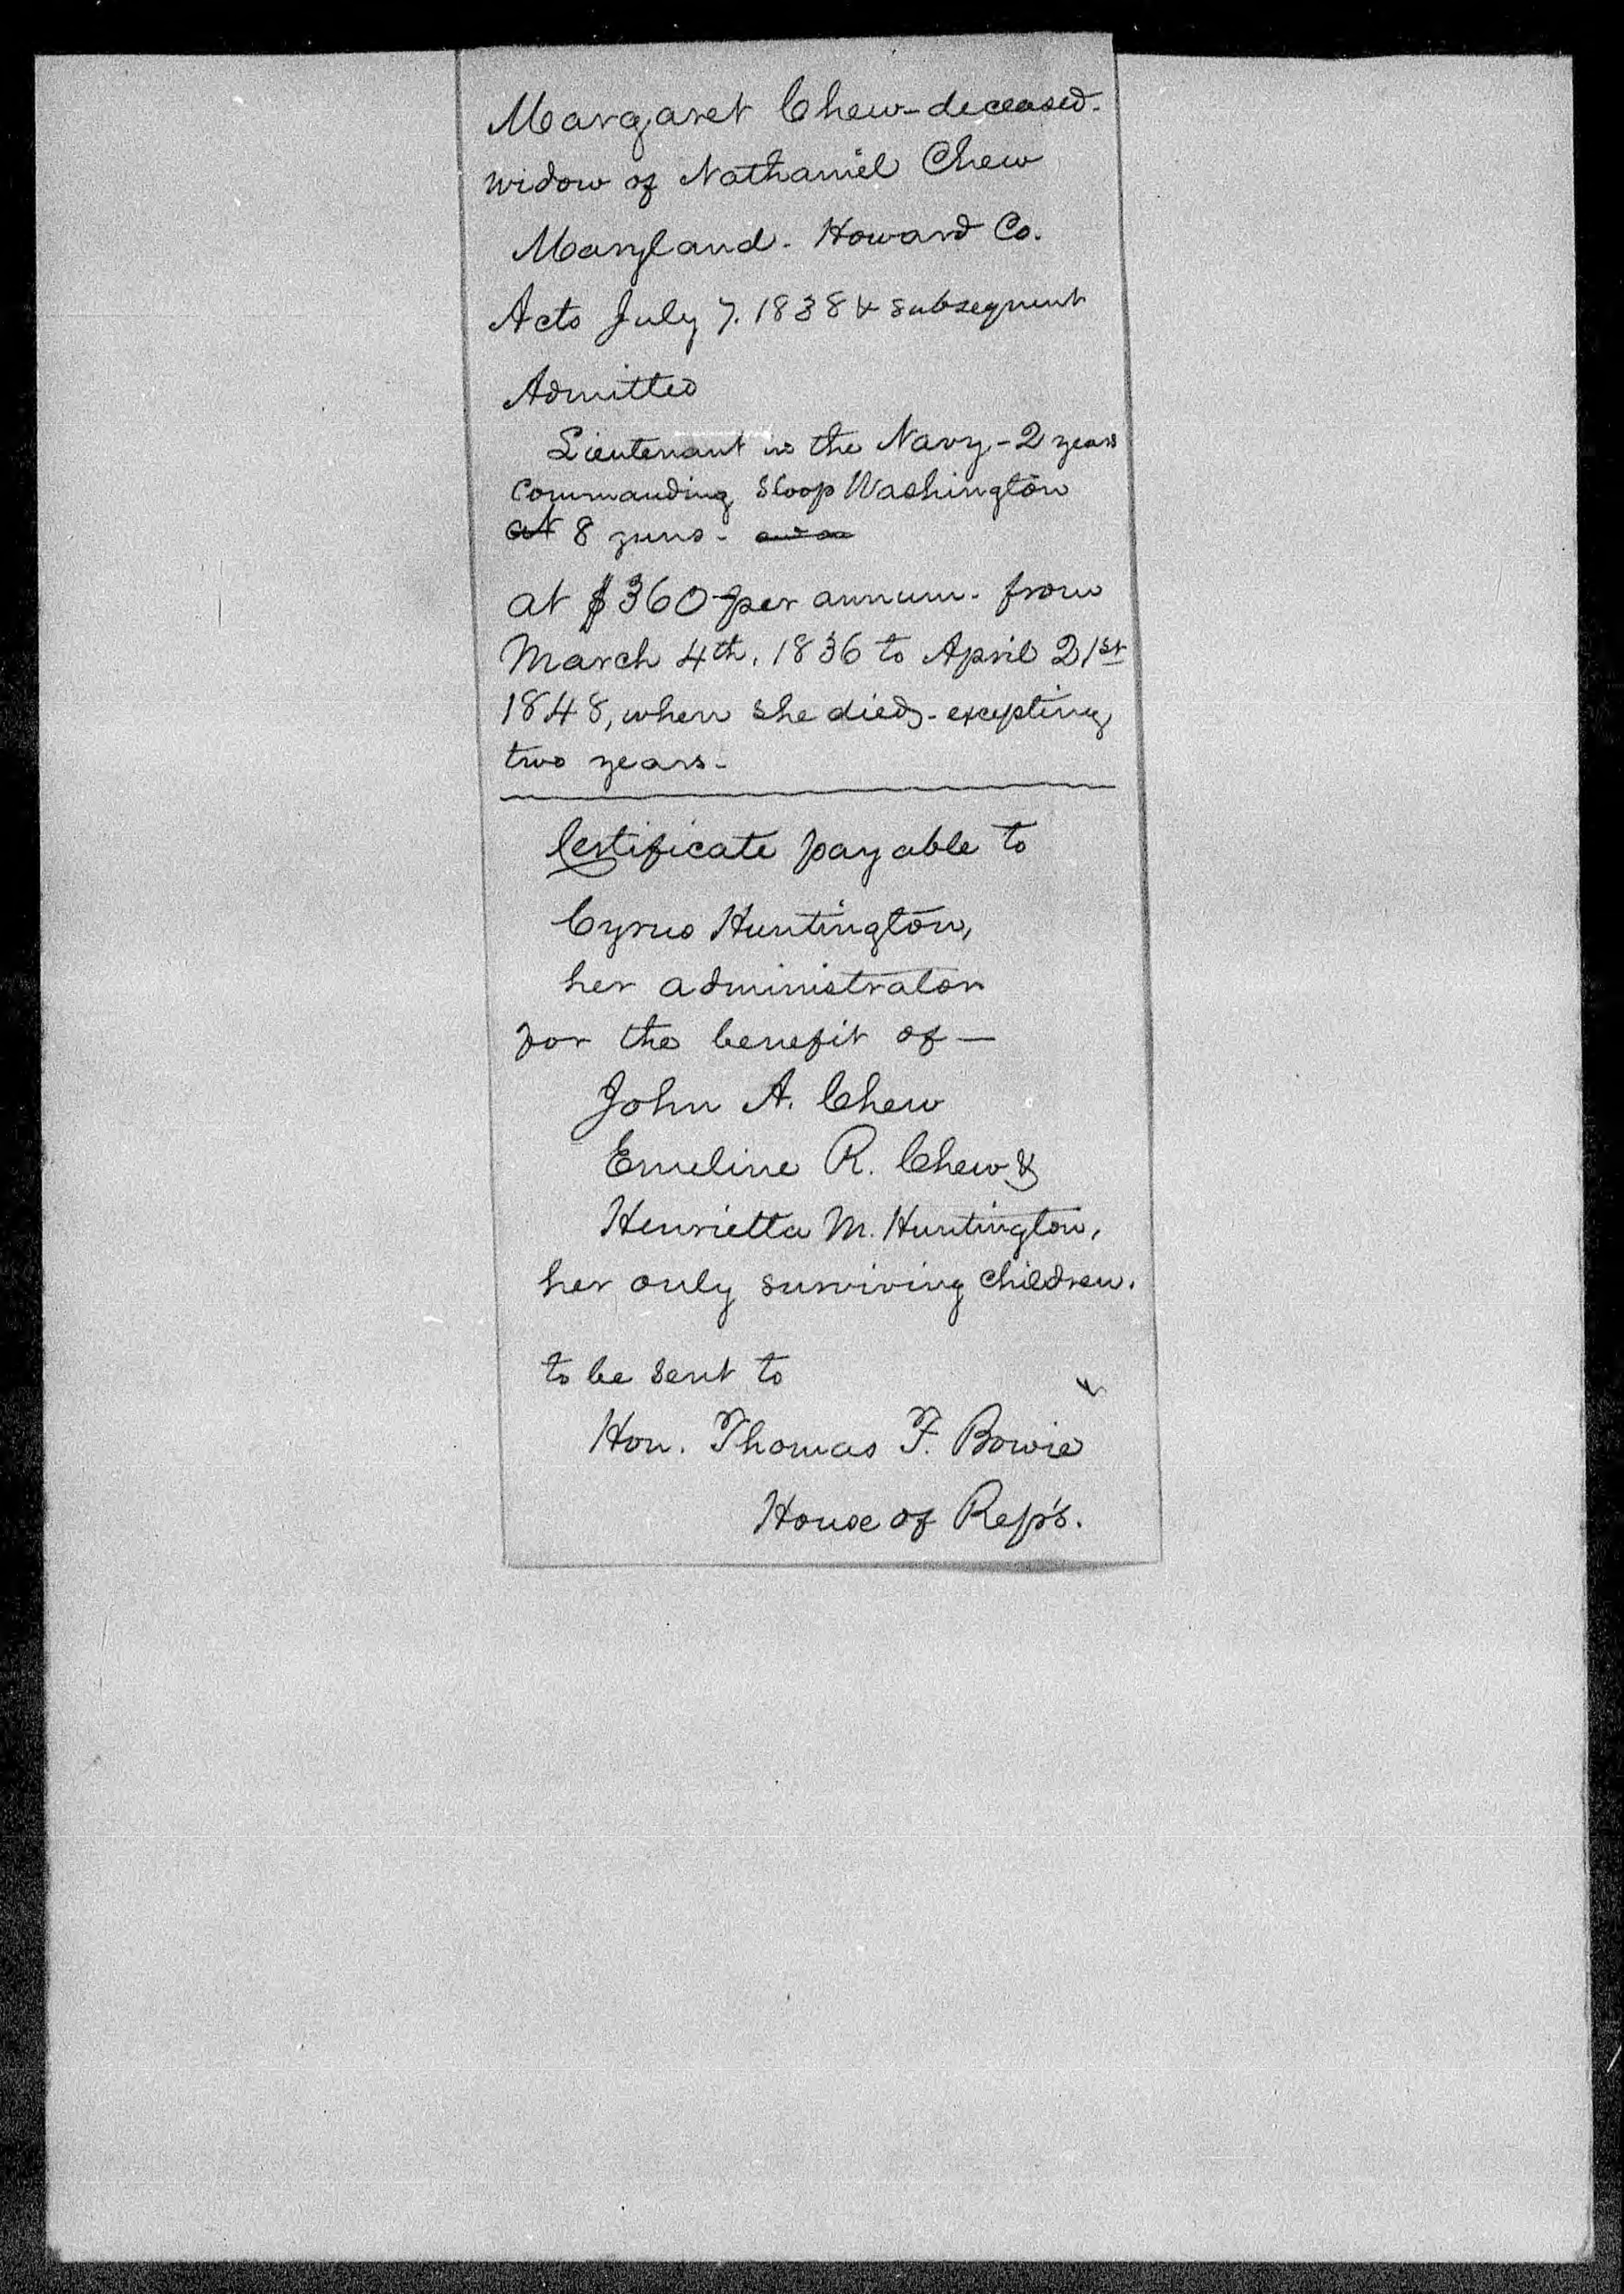Margaret Chew - deceased. Widow of Nathaniel Chew Maryland. Howard Co. 
Acts July 7, 1838 & subsequent 
Admitted Lieutenant in the Navy - 2 years commanding sloop Washington [at crossed out] 8 guns - [illegible crossed out]
at $360 per annum. from March 4th, 1836 to April 21st 1848, when she died - excepting two years.
Certificate payable to Cyrus Huntington, her administrator for the benefit of - John A. Chew Emeline R. Chew & Henrietta M. Huntington, her only surviving children.
to be sent to 
Hon. Thomas F. Bowie
House of Rep's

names: Thomas F Bowie, Margaret Chew, Emeline R Chew, Henrietta M Huntington, Nathaniel Chew, John A Chew, Cyrus Huntington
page: 16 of 59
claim: widow's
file: W. 9383, Nathaniel Chew, Navy (Md.)